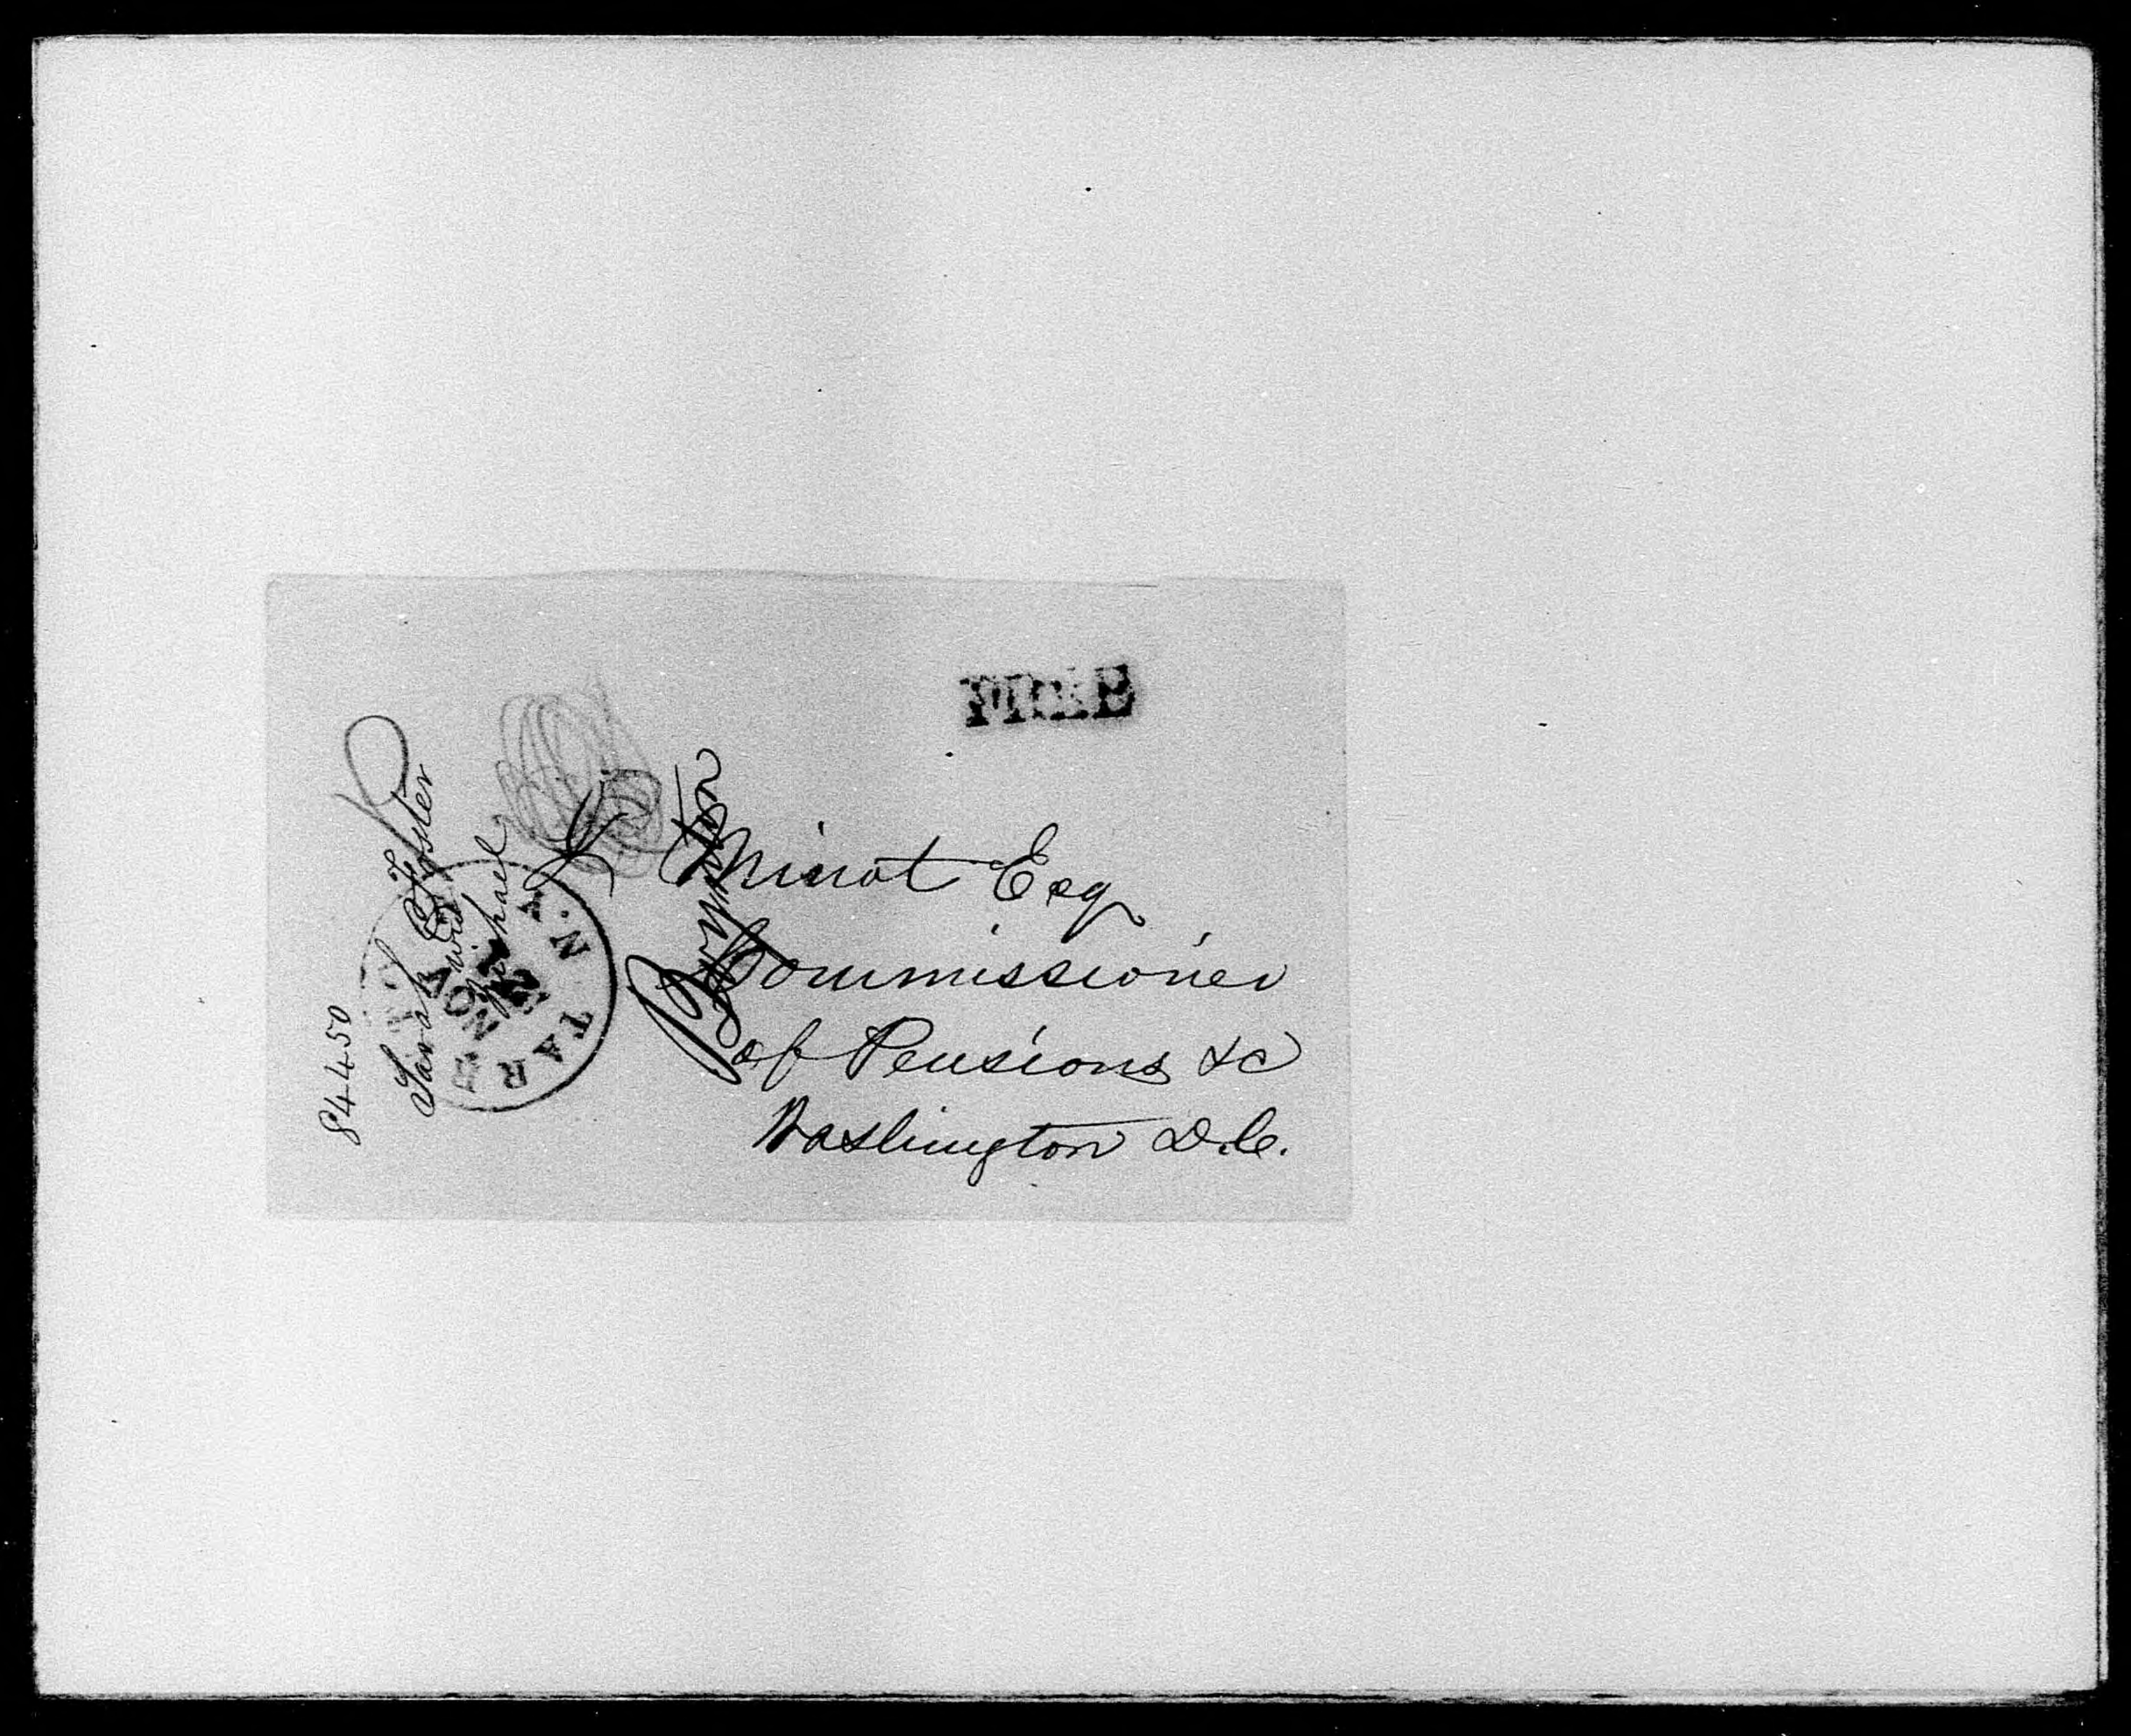(Envelope)

FREE
J. Minot Esq.
Commissioner 
of Pensions &c
Washington, D. C.

(sideways botton to top)
84450
Sarah Foster
wid
Michael

Boyington

(stamped) Tarrytown NY. NOV 21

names: Sarah Foster, Michael Foster, J Minot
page: 47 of 57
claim: widow's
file: W. 5275 1/2, Michael Foster, Penn.